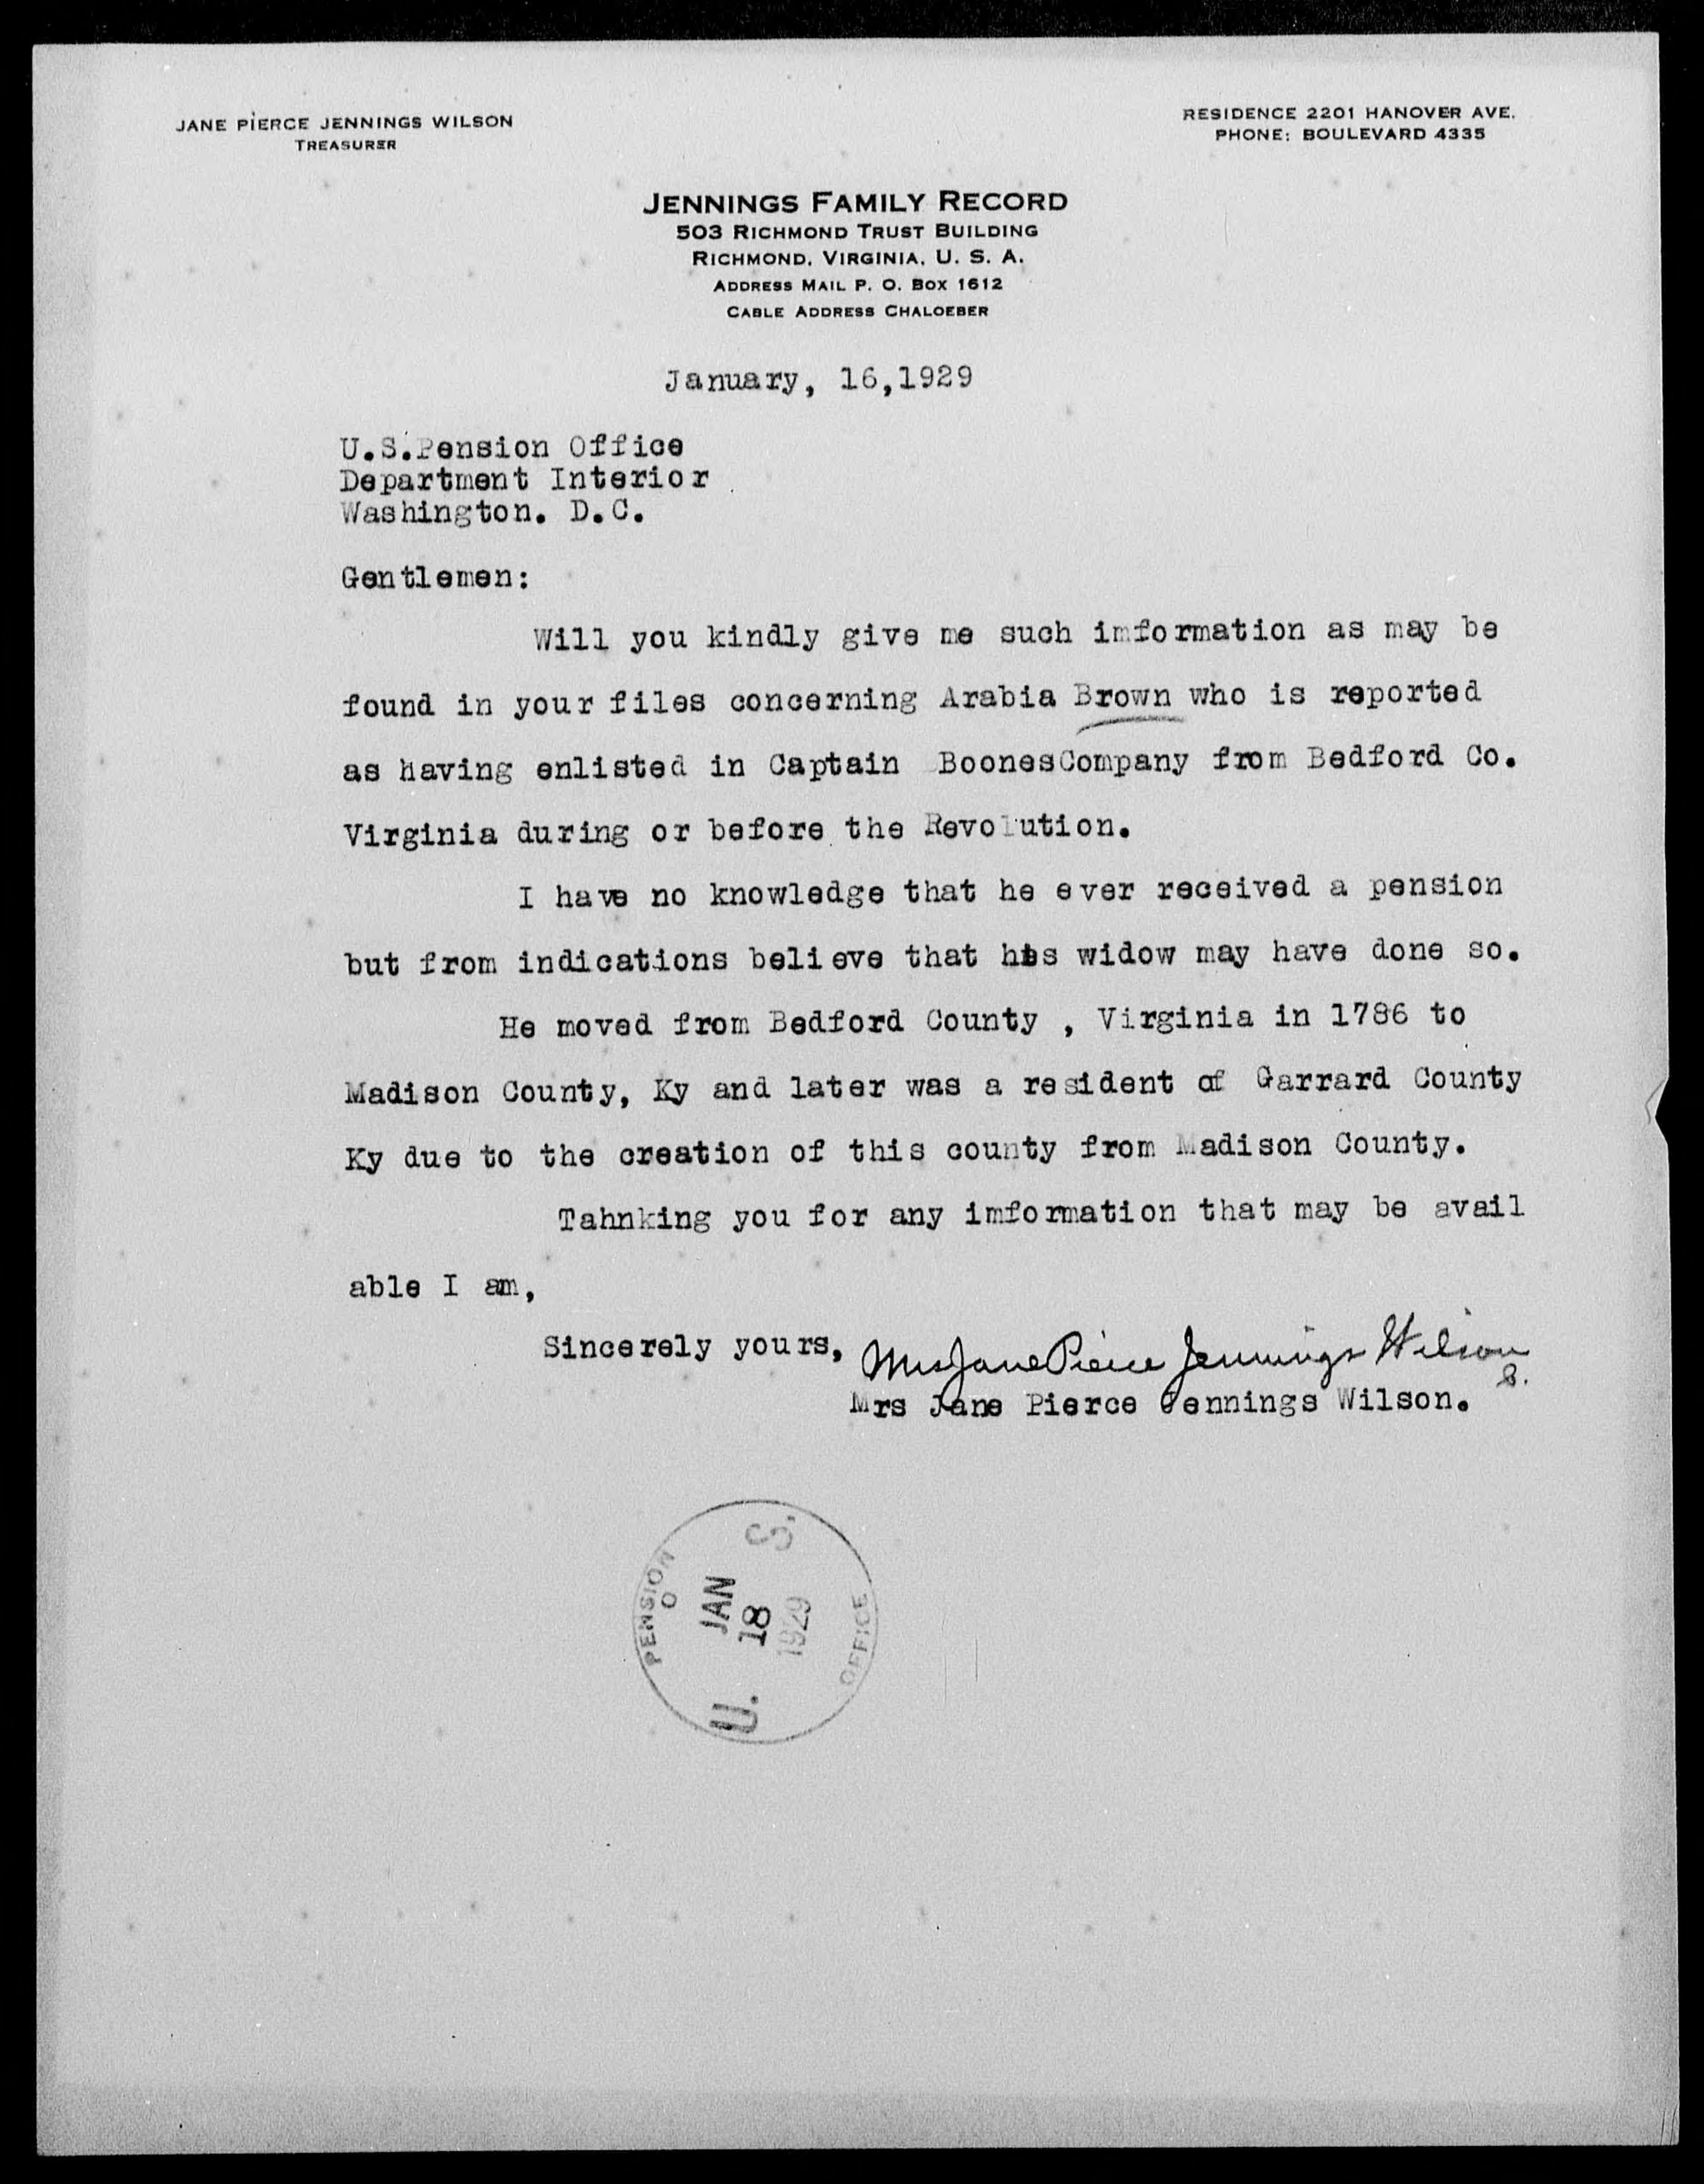JANE PEIRCE JENNIGS WILSON 
TREASURER
RESIDENCE 2201 HANOVER AVE.
PHONE:  BOULEVARD 4335

JENNINGS FAMILY RECORD
503 RICHMOND TRUST BUILDING
RICHMOND, VIRGINIA, U.S.A.
ADDRESS MAIL P.O. BOX 1612
CABLE ADDRESS CHALOEBER

January, 16, 1929
U.S. Pension Office
Department Interior
Washington. D.C.

Gentlemen:
Will you kindly give me such information as may be
found in your files concerning Arabia Brown who is reported
as having enlisted in Captain Boones Company from Bedford Co. 
Virginia during or before the Revolution.

I have no knowledge that he ever received a pension
but from indications believe that his widow may have done so.

He moved from Bedford County, Virginia in 1786 to 
Madison County, Ky and later was a resident of Garrard County
Ky due to the creation of this county from Madison County.

Thanking you for any information that me be avail
able I am.

Sincerely your, 
Mrs. Jane Pierce Jennings Wilson.
STAMP:  US Pension Office O Jan 18 1929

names: Jane Pierce Jennings Wilson, Arabia Brown, Jane Pierce Jennings Wilson, Jane Pierce Jennings Wilson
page: 25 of 65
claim: widow's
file: W. 8384, Arabia Brown, Va.